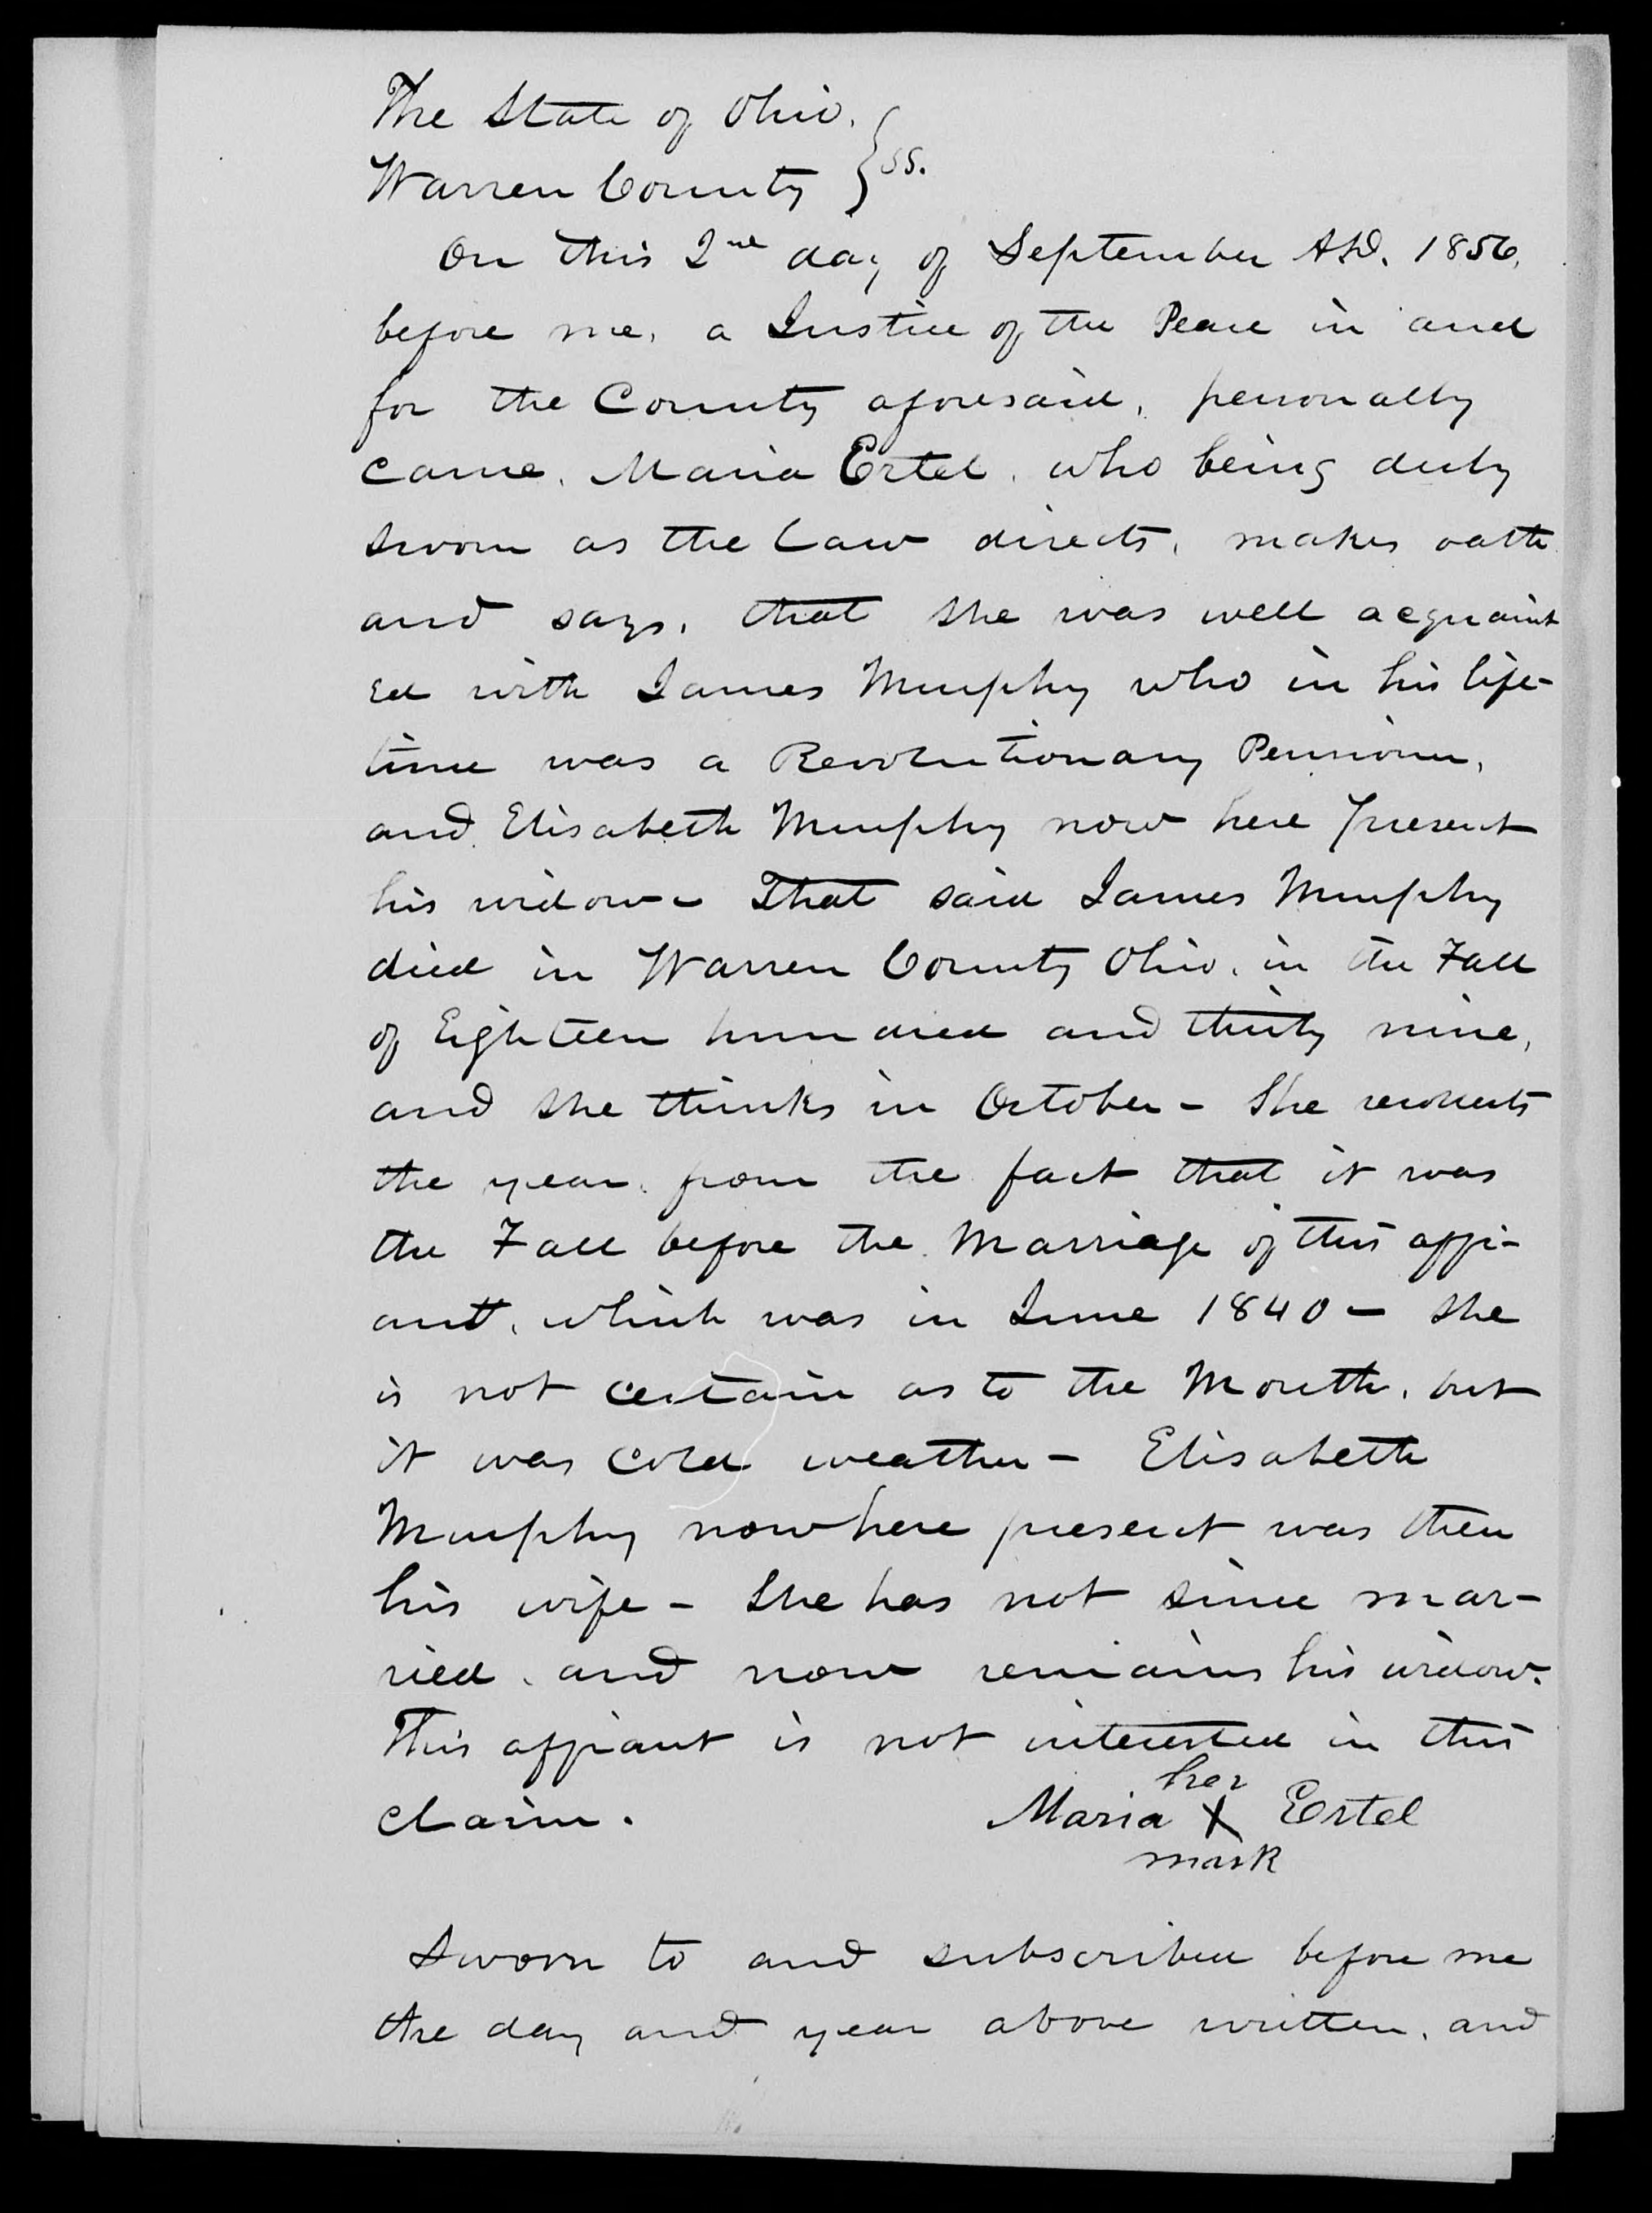The State of Ohio
Warren County    SS

On this 2nd day of September A.D. 1856
before me, a Justice of the Peace in and
for the County aforesaid, personally
came, Maria Ertel, who being duly
sworn as the law directs, makes oath
and says, that she was well acquainted 
with James Murphy who in his lifetime
 was a Revolutionary Pensioner  and
Elizabeth Murphy now here present
his widow. That said James Murphy
died in Warren County Ohio, in the fall
of Eighteen hundred and thirty nine,
and she thinks in October - She recollects
the year from the fact that it was
the fall before the Marriage of this affiand
which was in June 1840-- she
is not certain as to the month, but
it was cold weather-- Elisabeth
Murphy now here present was then
his wife - she has not since marred
and now remains his widow.
This affiant is not interested in this
her claim.
Maria Ertel   X her mark

Sworn to and subscribed before me
the day and year above written, and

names: James Murphy; Maria Ertel; Elisabeth Murphy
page: 17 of 57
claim: widow's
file: W. 25,739, for James Murphey, Pennsylvania